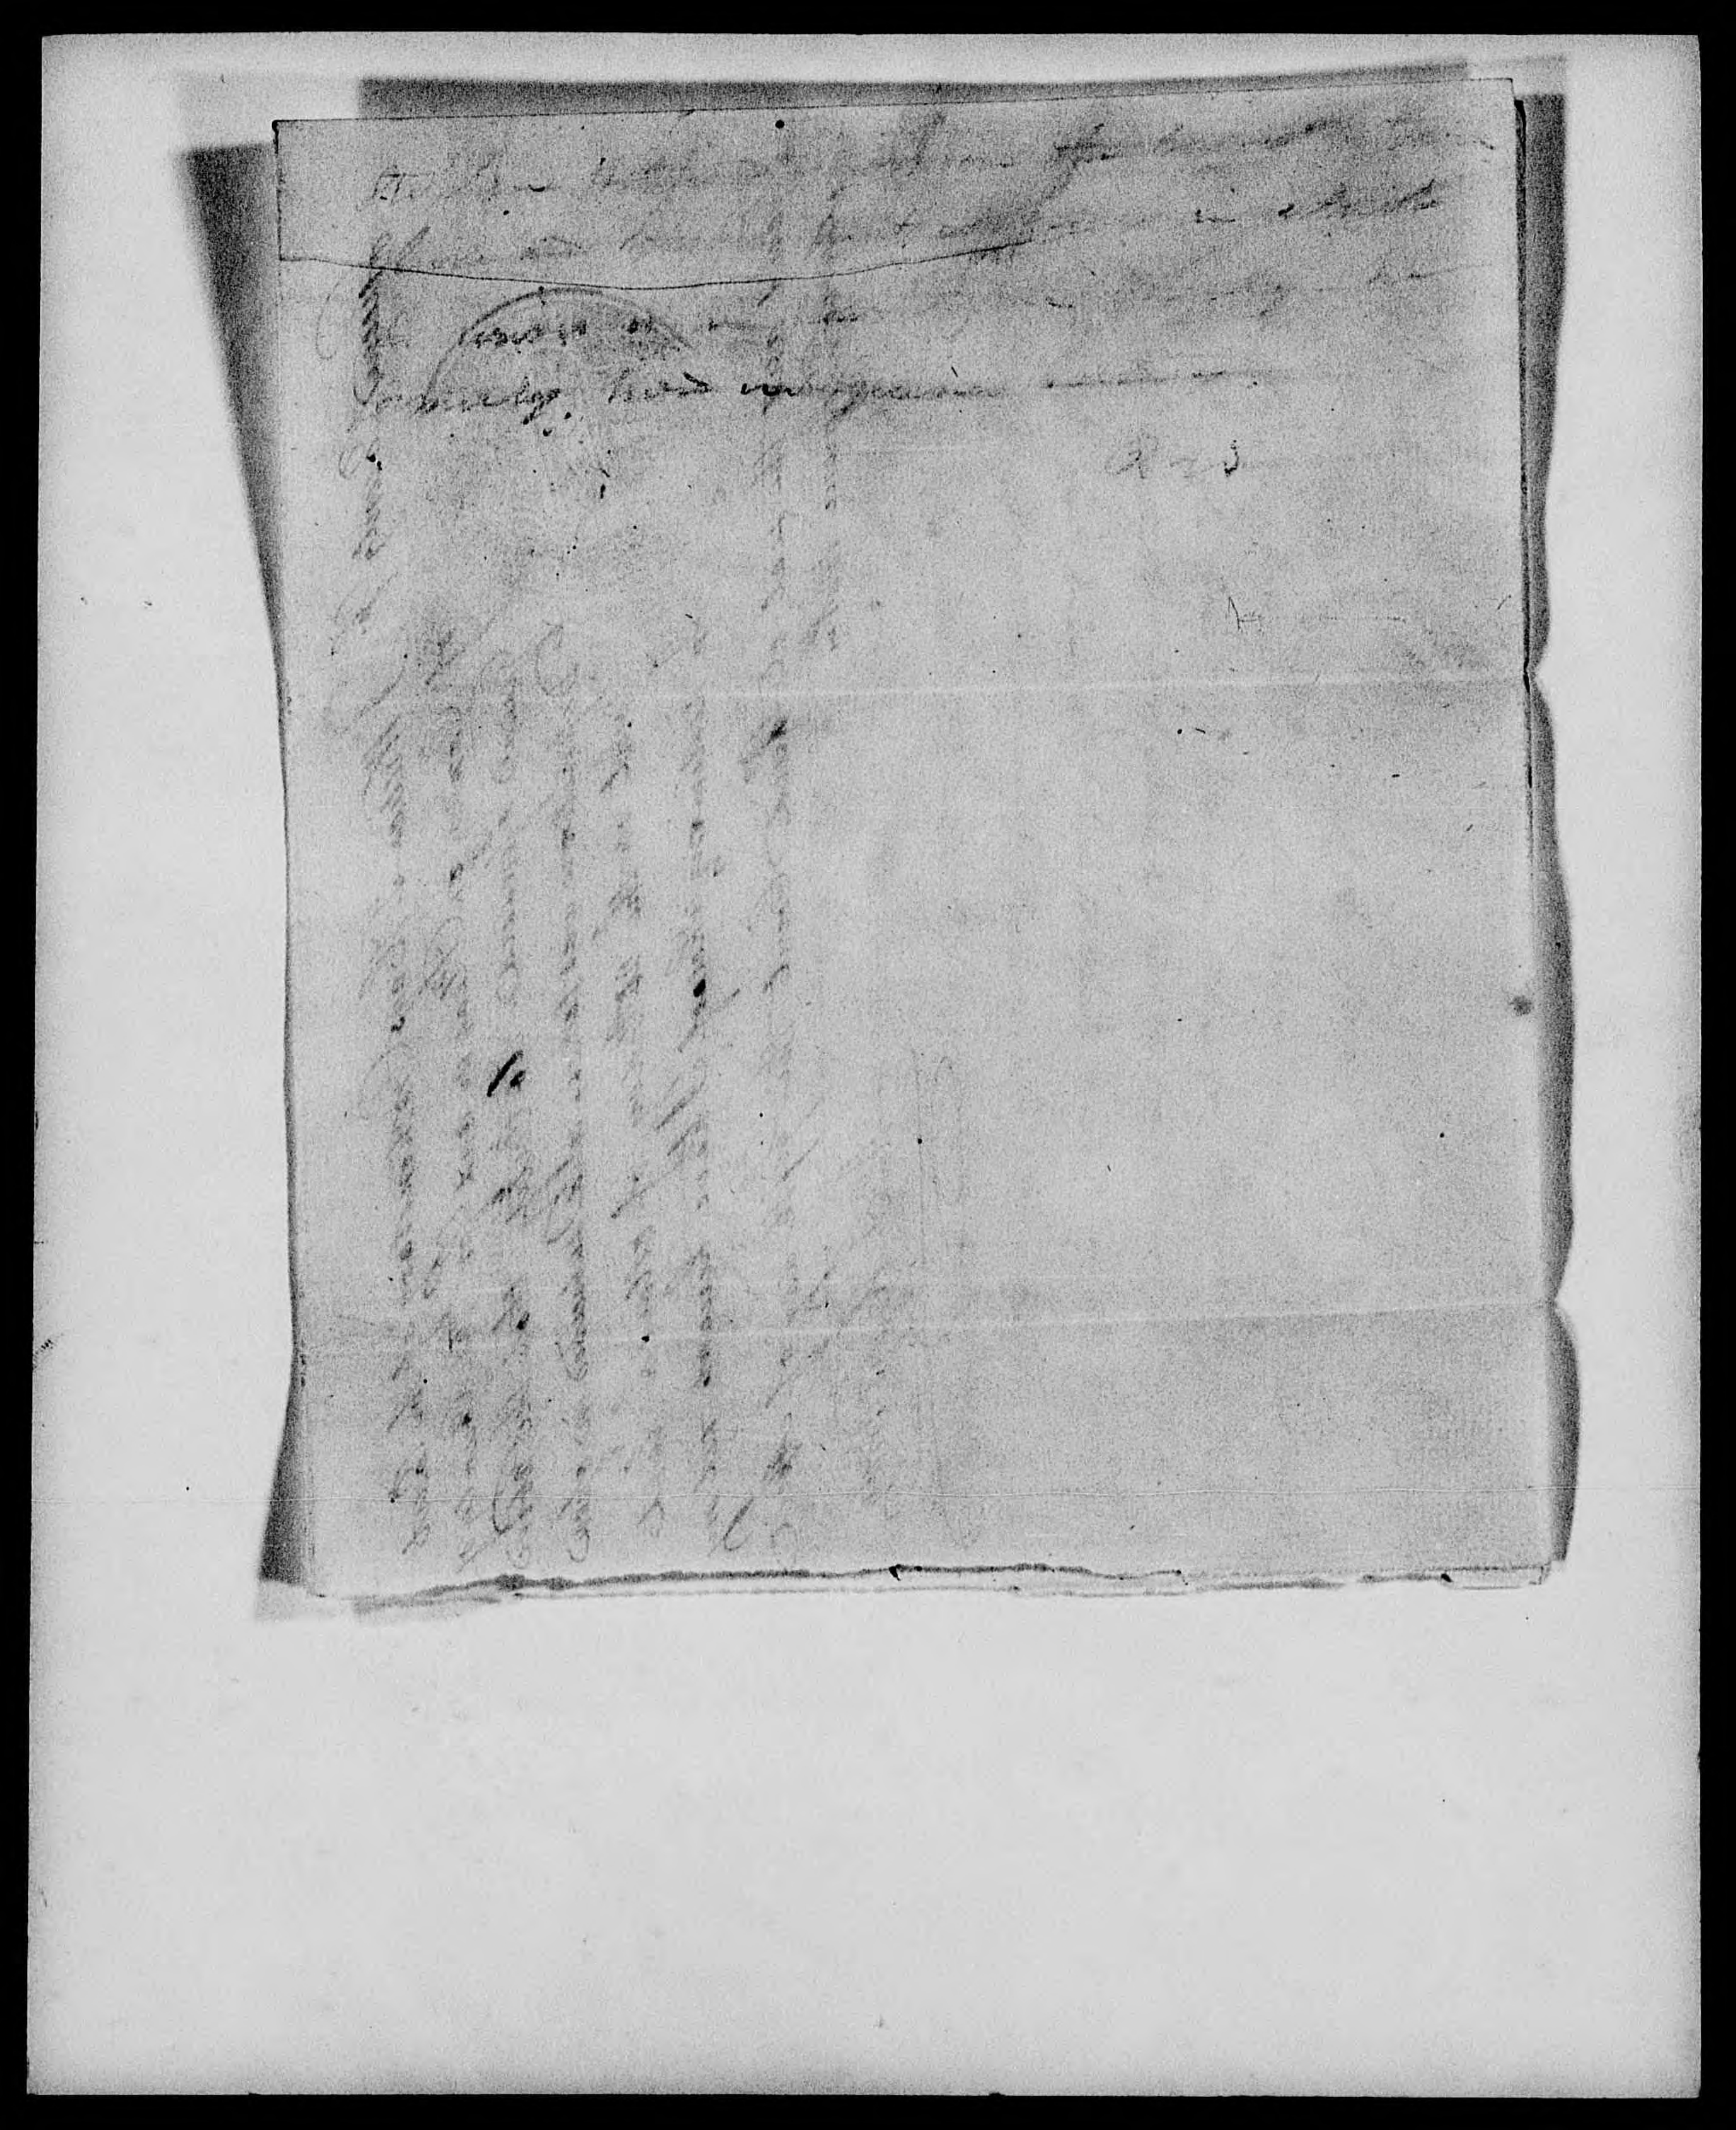[Written on back of a document]

Stephen Hetfield [illegible] whom the [illegible]
[6 illegible words]
[4 illegible words]
[6 illegible words]

RW [possibly Robert Whitehill]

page: 8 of 45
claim: widow's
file: W. 2734, Stephen Hetfield, New Jersey